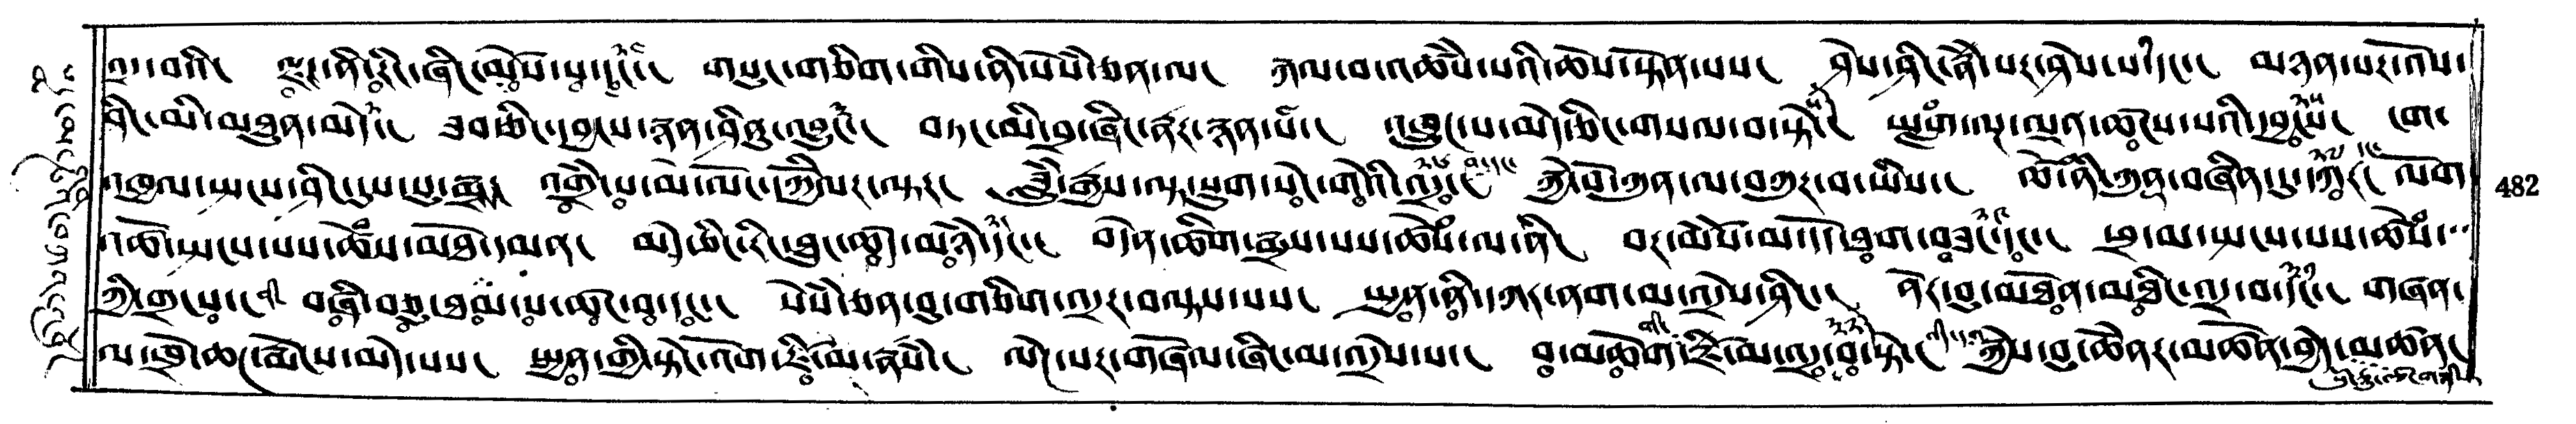འདྲ་བའི། །ལྗགས་ནི་རིང་ཞིང་མཛེས་པ་དང་། །གསུང་གཅིག་གིས་ནི་སེམས་ཅན་ལ། །སྐལ་བ་འཚམས་པའི་ཆོས་སྟོན་པས། །ཤེས་ཤིང་རྣམ་པར་ཤེས་པ་དང་། །མཉན་པར་འོས་
ཤིང་མི་མཐུན་མེད། །ཟབ་ཅིང་དབྱངས་སྙན་ཤིན་ཏུ་འབྱུང་། །བཏང་མི་བྲ་ཞིང་རྣར་སྙན་པ། །འཁྲུགས་པ་མེད་ཅིང་གསལ་བ་སྟེ། །ཡན་ལག་ལྔ་ལྡན་ཚངས་པའི་དབྱངས། །ངག་
འཁྱལ་སྤངས་ཤིང་དུས་སུ་སྨྲས། །འགྲམ་པ་མེ་ལོང་དཀྱིལ་འཁོར་ལྟར། །ཟླུམ་རྒྱས་ལྟ་སྡུག་སེང་གེའི་འདྲ།། བ་དང་། སྐྱེ་བོ་ཀུན་ལ་བཀུར་བ་ཡིས། །ཚེམས་ནི་ཀུནྡ་བཞིན་དུ་དཀར། །ལོག་
འཚོ་སྤངས་པས་ཚེམས་མཐོ་དམན། །མེད་ཅིང་རིང་ཐུང་ཚད་མཉམ་དང་། །བདེན་ཚིག་སྨྲས་པས་ཚེམས་ལ་ནི། །བར་མཚམས་མ་དོད་ཐག་བཟང་དང་། །ཕྲ་མ་སྤངས་པས་ཚེམས་
ཀྱི་གྲངས།། ནི་བཞི་བཅུ་ཐམ་པ་ཚང་བ་དང་། །སེམས་ཅན་བུ་གཅིག་འདྲར་བལྟས་པས། །སྤྱན་ནི་དཀར་ནག་མ་འདྲེས་ཤིང་། །ནོར་བུ་མཐོན་མཐིང་འདྲ་བ་དང་། །གཞན་
ལ་ཁྲོ་ཆགས་རྨོངས་མེད་པ། །སྤྱན་གྱི་སྟེང་འོག་རྫི་མ་རྣམས། །ལེགས་པར་གཞོལ་ཞིང་མ་འདྲེས་པ། །བ་མཆོག་གི་རྫི་མ་འདྲ་བ་སྟེ།། འདི་དག་སྐྱེས་བུ་ཆེན་པོར་མཚོན་བྱེད་སུམ་ཅུ་རྩ་གཉིས་མཚན།།